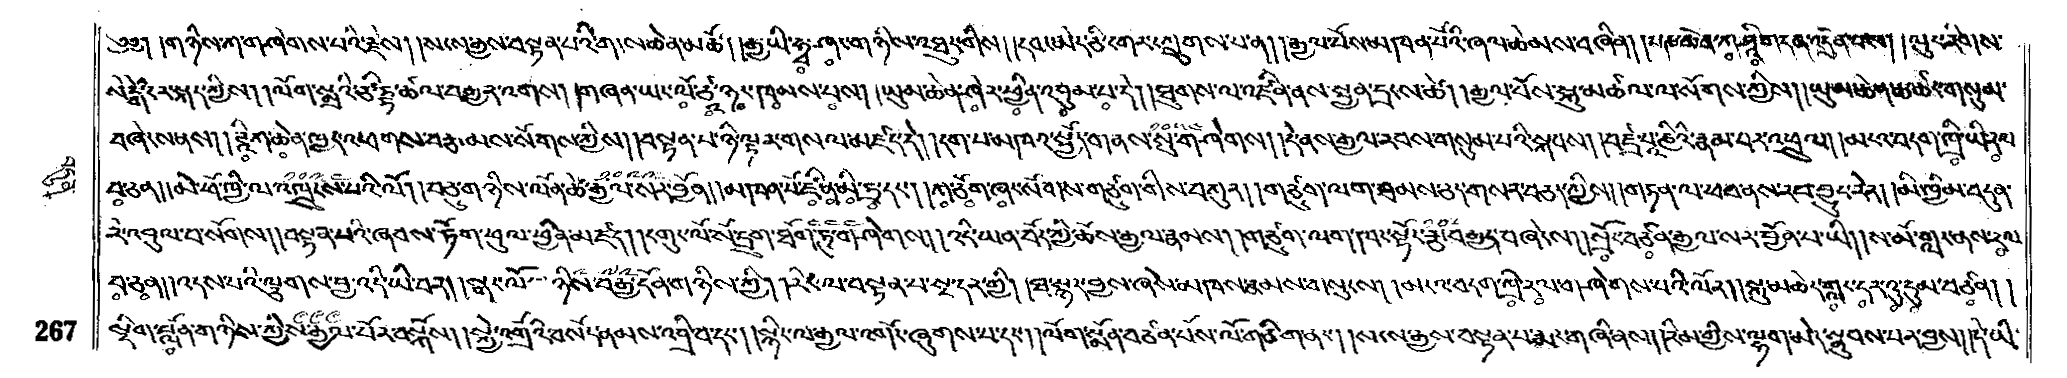༄༅། །གཉིས་ཀ་གཤེགས་པའི་རྗེས། །སངས་རྒྱས་བསྟན་པའི་གངས་ཆེན་མཚོ། །རྒྱ་ཡི་ཧྭ་ཤང་གཉིས་འཐུང་གིས། །དབང་མེད་ཅི་དགར་དཀྲུགས་པ་ན། །རྒྱལ་པོས་མཁན་པོའི་ཞལ་ཆེམས་བཞིན། །པཎ་ཆེན་ཀཤཱི་གདན་འདྲིན་པས། །ལུང་རིགས་
སེངྒེ་ངར་སྐད་ཀྱིས། །ལོག་སྨྲའི་ཙིཏྟ་ཚལ་བརྒྱར་འགས། །གཞན་ཡང་ལོ་ཙཱ་ཉང་ཁམས་པས། །ཡུམ་ཆེན་ཤེར་ཕྱིན་འབུམ་པ་དེ། །ཐུགས་ལ་འཛིན་ནས་སྤྱན་དྲངས་ཚེ། །རྒྱལ་པོས་སྐུ་མཚལ་ལ་སོགས་ཀྱིས། །ཡུམ་ཆེན་ཆ་ཚང་གསུམ་
བཞེངས་ནས། །ཊཱིཀ་ཆེན་ཁྱད་འཕགས་བརྩམས་སོགས་ཀྱིས། །བསྟན་པ་ཉི་ལྟར་གསལ་མཛད་དེ། །དག་པ་མཁའ་སྤྱོད་གནས་སུ་གཤེགས། །དེ་ནས་རྒྱལ་རབས་གསུམ་པའི་སྐབས། །བཛྲ་པཱ་ཎཱིི་རྣམ་པར་འཕྲུལ། །མངའ་བདག་ཁྲི་ཡི་རལ་
བ་ཅན། །མེ་ཕོ་ཁྱི་ལ་འཁྲུངས་པའི་ལོ། །བཅུ་གཉིས་ལོན་ཚེ་རྒྱལ་སར་བྱོན། །མཁན་པོ་ཛིན་མི་ཏྲ་དང་། །ཀ་ཅོག་ཞང་སོགས་གཙུག་གིས་བཀུར། །གཙུག་ལག་ཐམས་ཅད་གསར་བཅད་ཀྱིས། །གཏན་ལ་ཕབ་ནས་རབ་བྱུང་རེར། །མི་ཁྱིམ་བདུན་
རེ་འབུལ་བ་སོགས། །བསྟན་པའི་ཞབས་ཏོག་ཕུལ་ཕྱིན་མཛད། །དགུང་ལོ་སོ་དྲུག་ཐོག་ཏུ་གཤེགས། །འདི་ཡན་བོད་ཀྱི་ཆོས་རྒྱལ་རྣམས། །གཙུག་ལག་ཁང་སྟོང་རྩ་བརྒྱད་བཞེངས། །སྲོང་བཙན་རྒྱལ་སར་བྱོན་པ་ཡི། །ས་མོ་གླང་ནས་རལ་
བ་ཅན། །འདས་པའི་ལྕགས་བྱ་འདི་ཡི་བར། །སྒང་ལོ?་ཉིས་བརྒྱ་དོན་གཉིས་ཀྱི། །རིང་ལ་བསྟན་པ་སྔ་དར་གྱི། །ཐ་སྙད་བྱས་ཞེས་མཁས་རྣམས་གསུངས། །མངའ་བདག་ཁྲི་རལ་གཤེགས་པའི་ལོར། །སྐུ་མཆེད་གླང་དར་འུ་དུམ་བཙན། །
སྡིག་བློན་གཉིས་ཀྱིས་རྒྱལ་པོར་བསྐོས། །སྐྱེ་འགྲོའི་བསོད་ནམས་འབྲི་བ་དང་། །སྙིང་ལ་རྒྱལ་འགོང་ཞུགས་པ་དང་། །ལོག་སྨོན་བཙན་པོས་ལོ་གཅིག་ནང་། །སངས་རྒྱས་བསྟན་པ་རྨང་གཞི་ནས། །རིམ་གྱིས་ལྷག་མེད་སྣུབས་པར་བྱས། །དེ་ཡི་